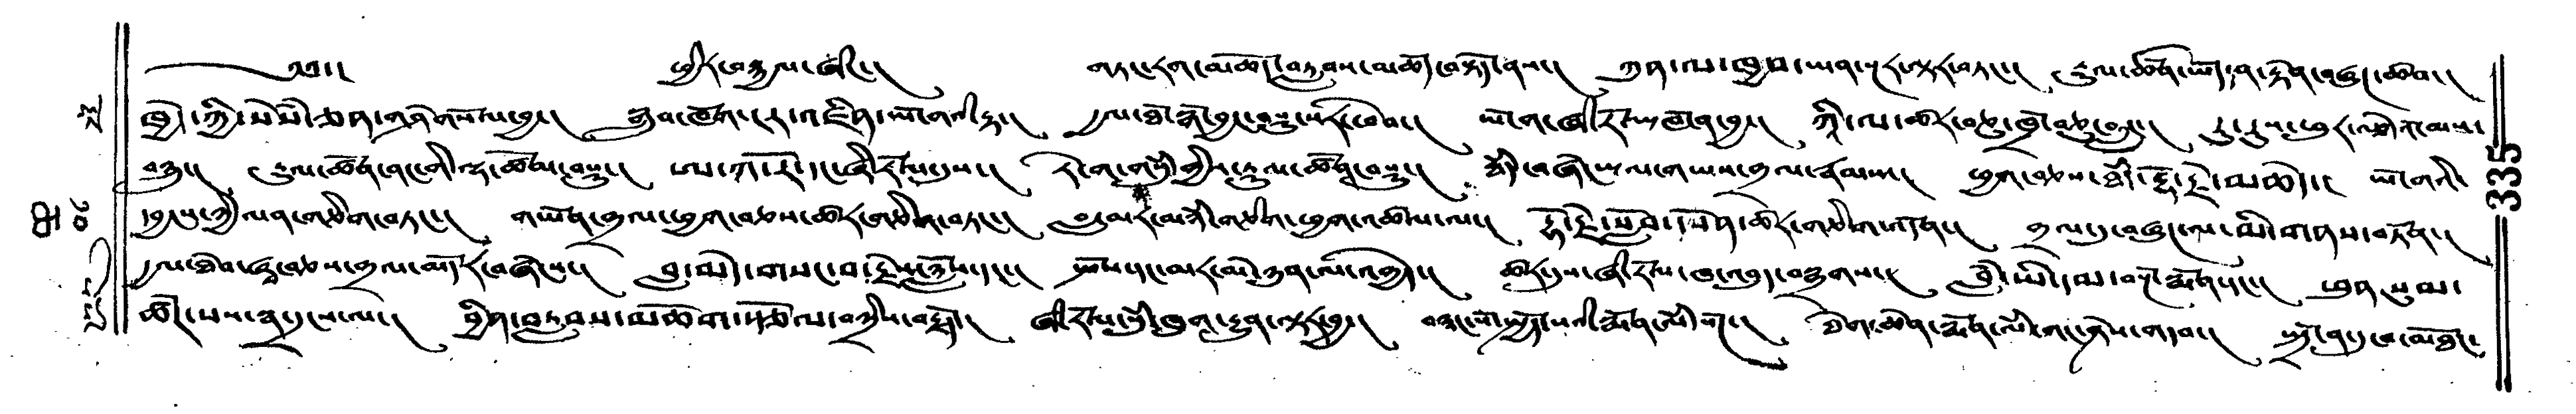ཕྱིར་བསྐྱལ་ཞིང་། །གཏང་རག་མཆོད་རླབ་མཆོད་བསྟོད་ནས། ཀུན་ལ་ཁྱབ༴ ཡན་སྔར་ལྟར་བཏང་། །རྡུལ་ཚོན་ཡོད་ན་རྟེན་བཞུགས་ཚབ། 
ཁྱོད་ཀྱི་སེམས་ཅན༴ གཤེགས་གསོལ་བྱ། །སྒྲུབ་ཁོག་ངར་འཛིན༴ ཡོ་གའི་རྟ། །རྒྱལ་ཐོ་སྒོ་བྱང་བསྡུ་སར་ཕེབས། །ཡོ་ག་ཞི་རོལ་ཁོ་ན་བྱ། །ཀཱི་ལ༴ ཚར་བཅུས་ཁྲོ་བཅུ་བླང་། །རུ་རུ ས་ཕུར་རྩེ་འོ་མས་
བསྐྲུ། །རྡུལ་ཚོན་ནང་གི་ལྷ་ཚོམ་བསྡུ། །ཨ་ཀ་རོ༴ དང་ཞི་རོལ་དུས། །རཻ་ཁ་གསུམ་གྱིས་རྡུལ་ཚོན་བསྡུ། །ཐམས་ཅད་བཞེངས་ལ་གཡས་གྲལ་རྣམས། །ཕྱག་བཅས་ཐམས་ཅད་རྡོ་རྗེ་མཆེད། །ཡོ་གའི་
དབྱངས་ཀྱིས་ལན་གཅིག་བཏང་། །གཡོན་གྲལ་ཕྱག་བཅས་ཚར་གཅིག་བཏང་། །བླ་མར་མཉམ་གཅིག་ཕྱག་འཚལ་ལ། །རྡོ་རྗེ་སློབ་དཔོན༴ ཚར་གཅིག་འདོན། །གྲལ་དུ་བཞུགས་ལ་མི་གནས༴ བཏོན། །
རྒྱལ་ཐེབ་ཞྭ་བཅས་གྲལ་མདོར་བཞེངས། །བླ་མེད་གསང་བ༴ རྗེས་ཟློས་དང་། །སྤོས་དང་མར་མེ་ཀུན་ལ་འགྱེད། །ཚར་དུས་ཞི་རོལ་ཁ་འབུད་བསྒྲགས། །བླ་མ་ཡི་དམ༴ བསྔོ་སྨོན་དང་། །ཕུན་སུམ་
ཚོགས་པ ས་སྣ་དྲངས་ལ། །བྱིན་བརླབས་མཆོག་སྩོལ༴ བཀྲ་ཤིས་བརྗོད། ། ཞི་རོལ་སུམ་ཁུག་རྒྱུན་ལྟར་བྱ། །བཟང་པོ་སྤྱོད་པའི་སྨོན་ལམ་སོགས། །ཐེག་ཆེན་སྨོན་ལམ་གང་ཤེས་གདབ། །སྤྲོ་ན་དུ་བ་མཐོང་